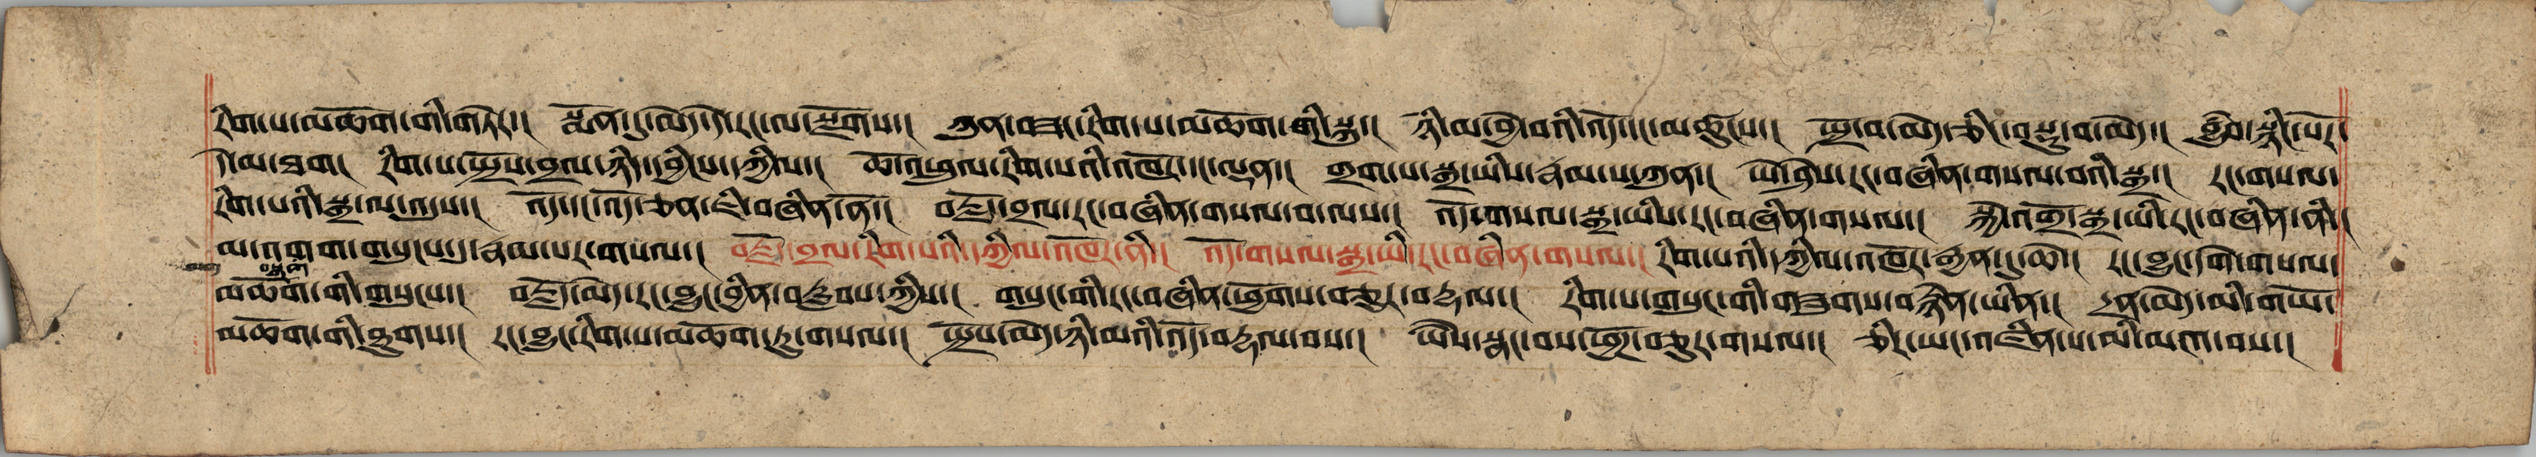རིག་པ་མཆོག་གི་གཏེར་། སྨོན་དུ་མེད་དེ་རང་ལ་སྫོགས་། ཀུན་བཟང་རིག་པ་མཆོག་གི་སྐུ་། ཉི་མ་བྱེ་བའི་འོད་དང་མཚུངས་། སྤྲོ་བ་མེད་ཅིང་བསྡུ་བ་མེད་། བྱུཾབ་སྙིང་པོར་
དེ་མ་ཐག། རིག་པ་སྤྲོས་བྲལ་ཉིད་དབྱིངས་དཀྱིལ་། ཆོ་འཕྲུལ་རིག་པའི་འཁོར་དང་ལྡན་། གྲག་པ་སྒྲ་ཡིས་རྣམ་པ་ཀུན་། ཡེ་ཤེས་རང་བཞིན་གསལ་བའི་སྒྲ་། རང་གསལ་
རིག་པའི་སྒྲ་ལ་འདུས་། འོད་དང་འོད་ཅན་ཇི་བཞིན་ནོ་། བརྗོད་བྲལ་རང་བཞིན་གསལ་བ་ལས་། འོད་གསལ་སྒྲ་ཡིས་རང་བཞིན་གསལ་། སྐྱེ་འགྲོ་སྒྲ་ཡི་རང་བཞིན་ནི་།
མ་འགག་གསུངས་དུ་རྣམ་པར་གསལ་། བརྗོད་བྲལ་རིག་པའི་དཀྱིལ་འཁོར་ནི་། འོད་གསལ་སྒྲ་ཡི་རང་བཞིན་གསལ་། རིག་པའི་དཀྱིལ་འཁོར་རྒྱན་དུ་ཆེ་། རང་བྱུང་དགེ་གསལ་
མཆོག་གི་གསུངས་། བརྗོད་མེད་རང་བྱུང་བྱིན་བརླབས་ཀྱིས་། གསུང་གི་རང་བཞིན་ཕྱོགས་བཅུར་བརྡལ་། རིག་པ་གསུང་གི་གཟུགས་བརྙེན་ཡིན་། དྲན་མེད་མི་གཡོ་
མཆོག་གི་ཐུགས་། རང་བྱུང་རིག་པ་མཆོག་ཏུ་གསལ་། སྤྲོས་མེད་ཉི་མའི་འོད་བརྡལ་བས་། ཡཻས་སྣང་བས་ཕྱོཌ་བཅུར་གསལ་། ཅིར་ཡང་འཛིན་པ་མི་མངའ་བས་།